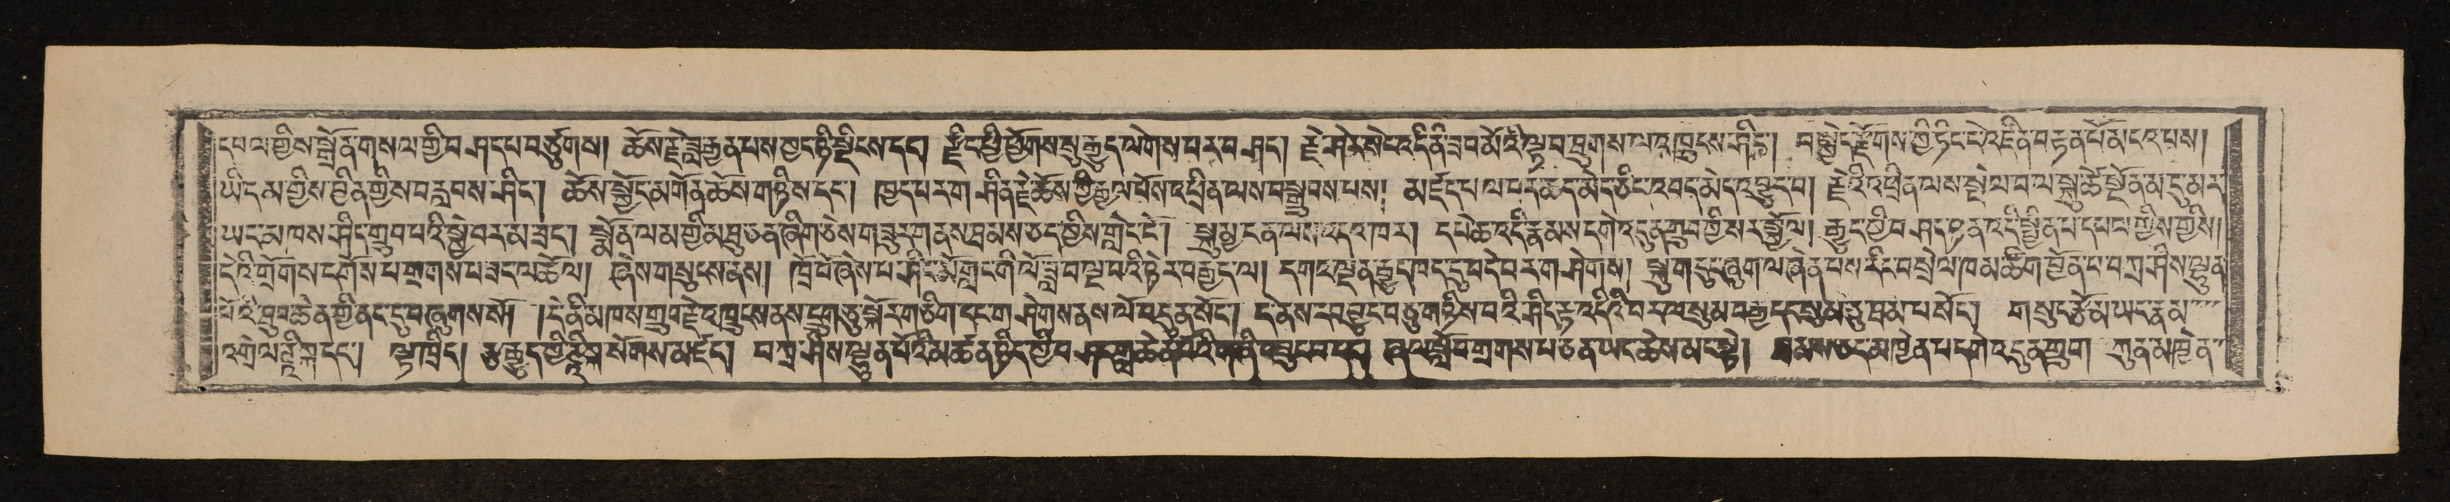དཔལ་གྱིས་སྒོན་གསལ་གྱི་བཤད་པ་བཙུགས། ཆོས་རྗེ་ཟླ་རྒྱན་པས་ཀྱང་ཉི་སྡིངས་དང་། རྫིང་ཕྱི་ཕྱོགས་སུ་རྒྱུད་ལེགས་པར་བཤད། རྗེ་ཤེར་སེང་འདི་ནི་ཟབ་མོའི་ལྟ་བ་ཐུགས་ལ་འཁྲུངས་ཤིང་། བསྐྱེད་རྫོགས་ཀྱི་ཏིང་ངེ་འཛིན་བརྟན་པོ་མངའ་བས།
ཡི་དམ་གྱིས་བྱིན་གྱིས་བརླབས་ཤིང་། ཆོས་སྐྱོང་མགོན་ཆོས་གཉིས་དང་། ཁྱད་པར་གཤིན་རྗེ་ཆོས་ཀྱི་རྒྱལ་པོས་འཕྲིན་ལས་བསྒྲུབས་པས། མཛད་པ་ལ་བར་ཆད་མེད་ཅིང་འབད་མེད་འབྱུང་བ། རྗེའི་འཕྲིན་ལས་སྤེལ་བ་ལ་སྐུ་ཚེ་སྔོན་མ་དུ་མར་
ཡང་མཁས་ཤིང་གྲུབ་པའི་སྐྱེ་བར་མ་ཟད། སྨོན་ལམ་གྱི་མཐུ་ཅན་ཞིག་ཅེས་གཟུར་གནས་ཐམས་ཅད་ཀྱིས་གླེང་ངོ། སྐུ་མྱ་ངན་ལས་འདའ་ཁར། དཔེ་ཆ་འདི་རྣམས་དགེ་འདུན་གྲུབ་ཀྱི་སར་སྐྱོལ། རྒྱུད་ཀྱི་བཤད་ཉན་འདི་སྦྱིན་པ་དཔལ་གྱིས་གྱིས།
དེའི་གྲོགས་དགོས་པ་གྲགས་བཟང་ལ་ཆོལ། ཞེས་གསུངས་ནས། ཁྲོ་བོ་ཞེས་པ་ཤིང་མོ་གླང་གི་ལོ་ཟླ་བ་ལྔ་པའི་ཉེར་བརྒྱད་ལ། དགའ་ལྡན་རྒྱུད་ཁང་དུ་བདེ་བར་གཤེགས། སྐུ་གདུང་ཞུགས་ལ་ཞེན་པས་རིང་བསྲེལ་ཁམ་ཚིག་བྱོན་པ་བཀྲ་ཤིས་ལྷུན་
པོའི་ཐུབ་ཆེན་གྱི་ནང་དུ་བཞུགས་སོ། །དེ་ནི་མཁས་གྲུབ་རྗེ་འཁྲུངས་ནས་དྲུག་ཅུ་སྐོར་གཅིག་དང་གཤེགས་ནས་ལོ་བདུན་སོང་། དེ་ནས་རབ་བྱུང་བཅུ་གཉིས་པའི་ཤིང་རྟ་འདིའི་བར་ལ་སུམ་བརྒྱ་དང་སུམ་ཅུ་ཐམ་པ་སོང་། གསུང་རྩོམ་ཡང་རྣམ་
འགྲེལ་ཊཱིཀྐ་དང་། ལྟ་ཁྲིད། རྩ་རྒྱུད་ཀྱི་ཊཱིཀྐ་སོགས་མཛད། བཀྲ་ཤིས་ལྷུན་པོའི་མཚན་ཉིད་ཀྱི་བཤད་གྲྭ་ཆེན་པོའི་གཞི་བཟུང་བ་དང་། ཞལ་སློབ་གྲགས་པ་ཅན་ཡང་ཆེས་མང་སྟེ། ཐམས་ཅད་མཁྱེན་པ་དགེ་འདུན་གྲུབ། ཀུན་མཁྱེན་